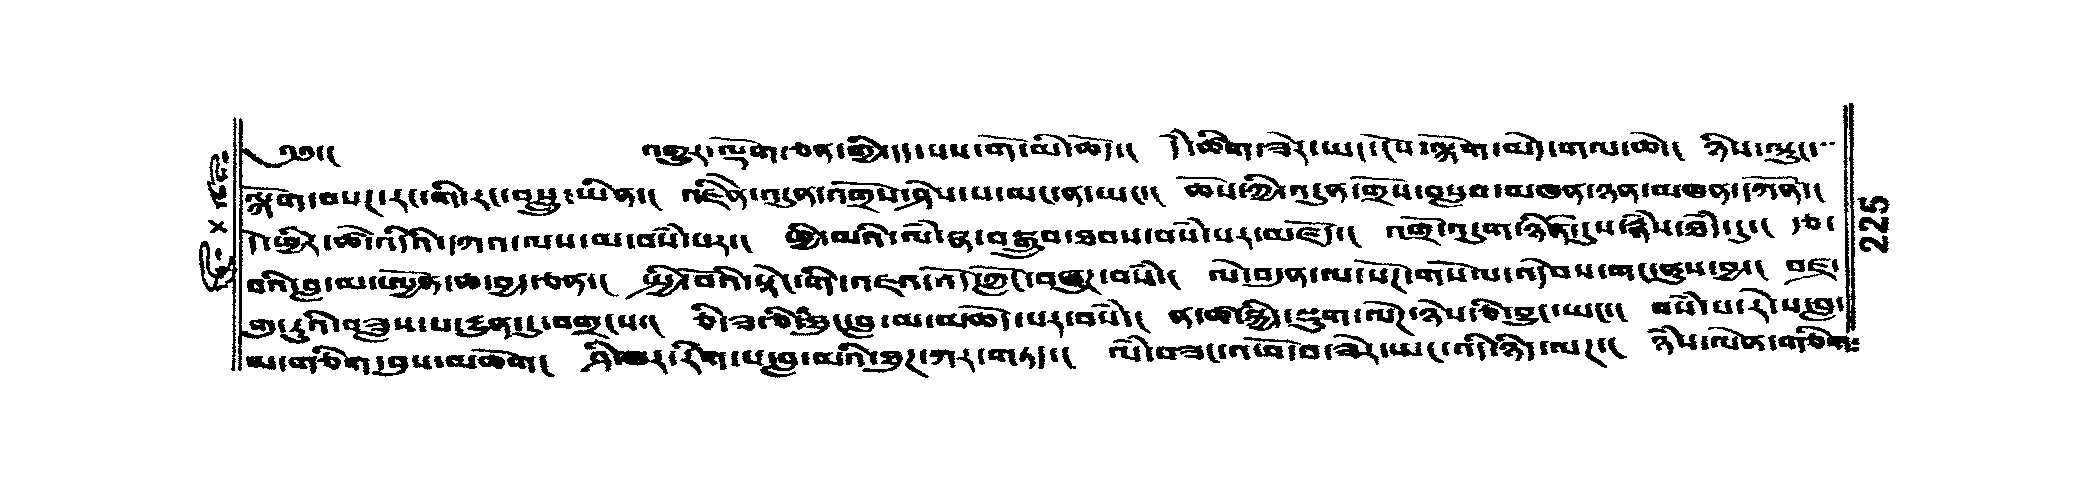།འགྱུར་ལྡོག་ཅན་གྱི་དད་པས་གོ་མི་ཆོད། །དམ་ཚིག་ཟེར་ཡང་ངོས་ལྐོག་མེད་གལ་ཆེ། །ཉེས་ལྟུང་
ལྐོག་བསགས་རང་གི་རང་བསླུ་ཡིན། །འཇིག་རྟེན་འདུན་འགྲོས་ཤེས་པ་མང་ན་ཡང་། །ཆོས་ཀྱི་འདུན་གྲོས་བསླབ་མཁན་ཉན་མཁན་དཀོན། །
དེ་ཕྱིར་ཚེ་འདིའི་དཀའ་ལས་མ་བསམ་པར། །ཕྱི་མའི་ལམ་སྣ་བསྒྲུབ་ཐབས་བསམ་པར་མཛོད། །འགྲོ་འདུག་ཉིན་མཚན་དུས་རྣམས་ཐམས་ཅད་དུ། །རྩ་
བའི་བླ་མ་ཨོ་རྒྱན་ཆ་བྱད་ཅན། །སྤྱི་བོའི་སྟེང་གི་འཇའ་འོད་ཀློང་བཞུགས་བསམ། །ལེ་བདུན་ལ་སོགས་གསོལ་འདེབས་གང་ནུས་བྱ། །བཛྲ་
གུ་རུའི་བཟླས་པ་རྒྱུན་དུ་བགྲངས། །ཅི་ཟ་ཅི་འཐུང་བླ་མ་མཆོད་པར་བསམ། །ན་ཚ་སྐྱིད་སྡུག་ལེགས་ཉེས་ཅི་བྱུང་ཡང་། །བསམ་ས་རེ་ས་བླ་
མ་གཅིག་བུས་མཆོག །ཤི་ཁར་རིག་པ་བླ་མའི་ཐུགས་ཀར་གཏད། །ལམ་བཟང་འཕོ་བ་ཟེར་ཡང་འདི་ཉིད་ལགས། །ཉམས་ལེན་གཅིག་